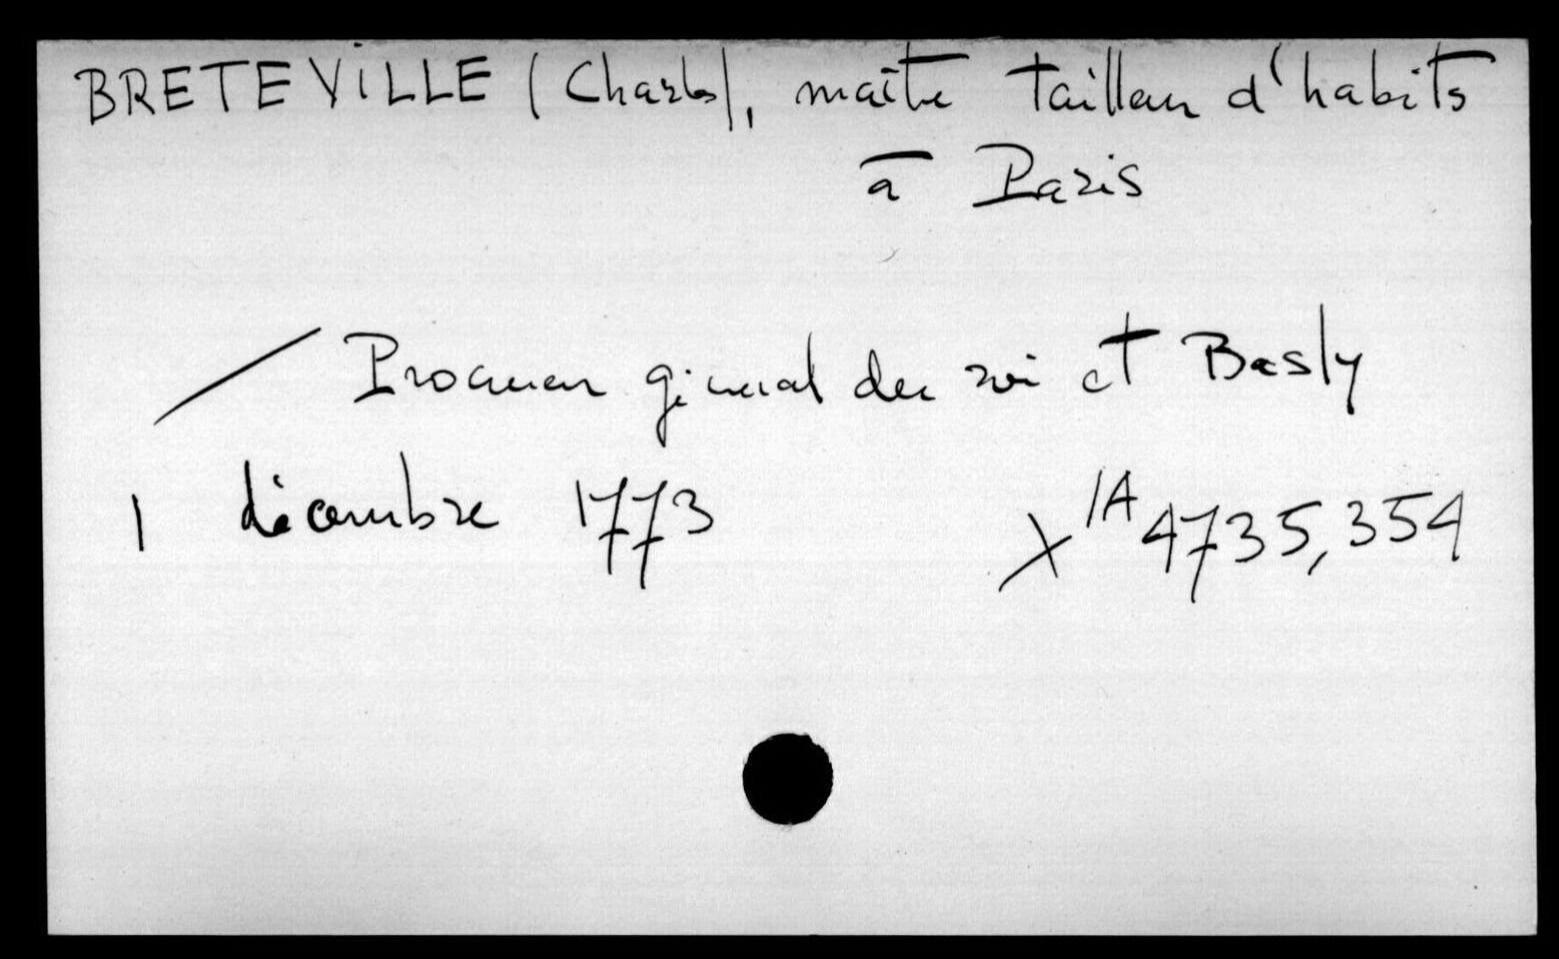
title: BRETEVILLE (Charles), maître tailleur d'habits à Paris
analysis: Contre Procureur général du roi et Basly
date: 1 décembre 1773
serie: X1A
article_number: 4735
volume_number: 354
